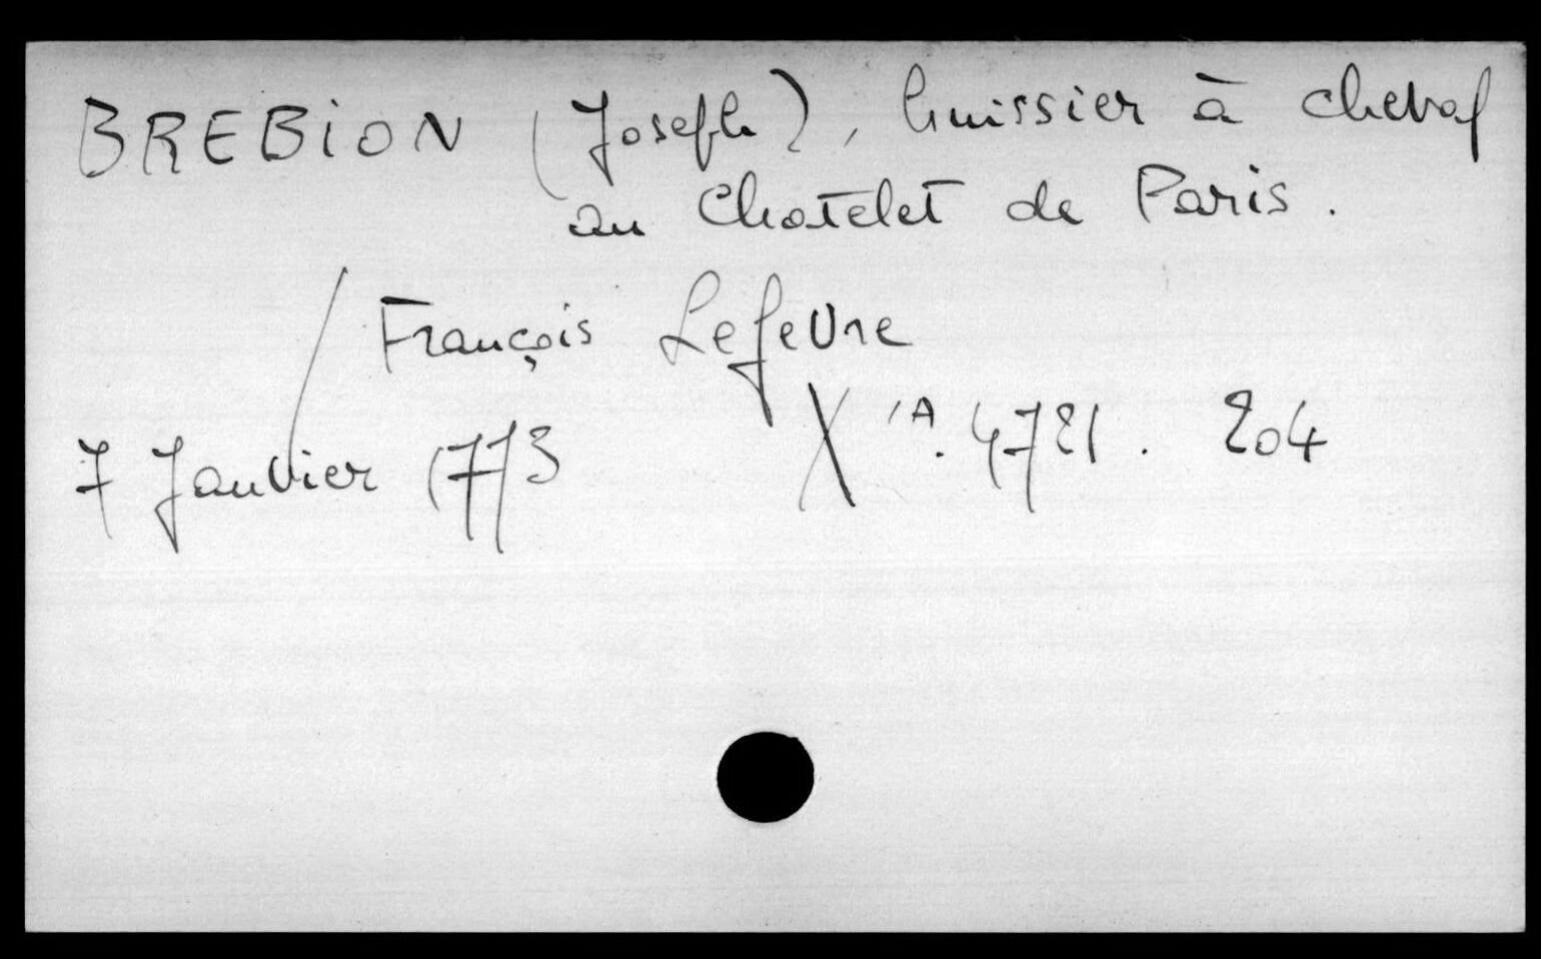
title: BREBION (Joseph), huissier à Cheval au Châtelet de Paris.
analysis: Contre François Lefeure
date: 7 janvier 1773
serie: X1A
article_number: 4721
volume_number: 204
